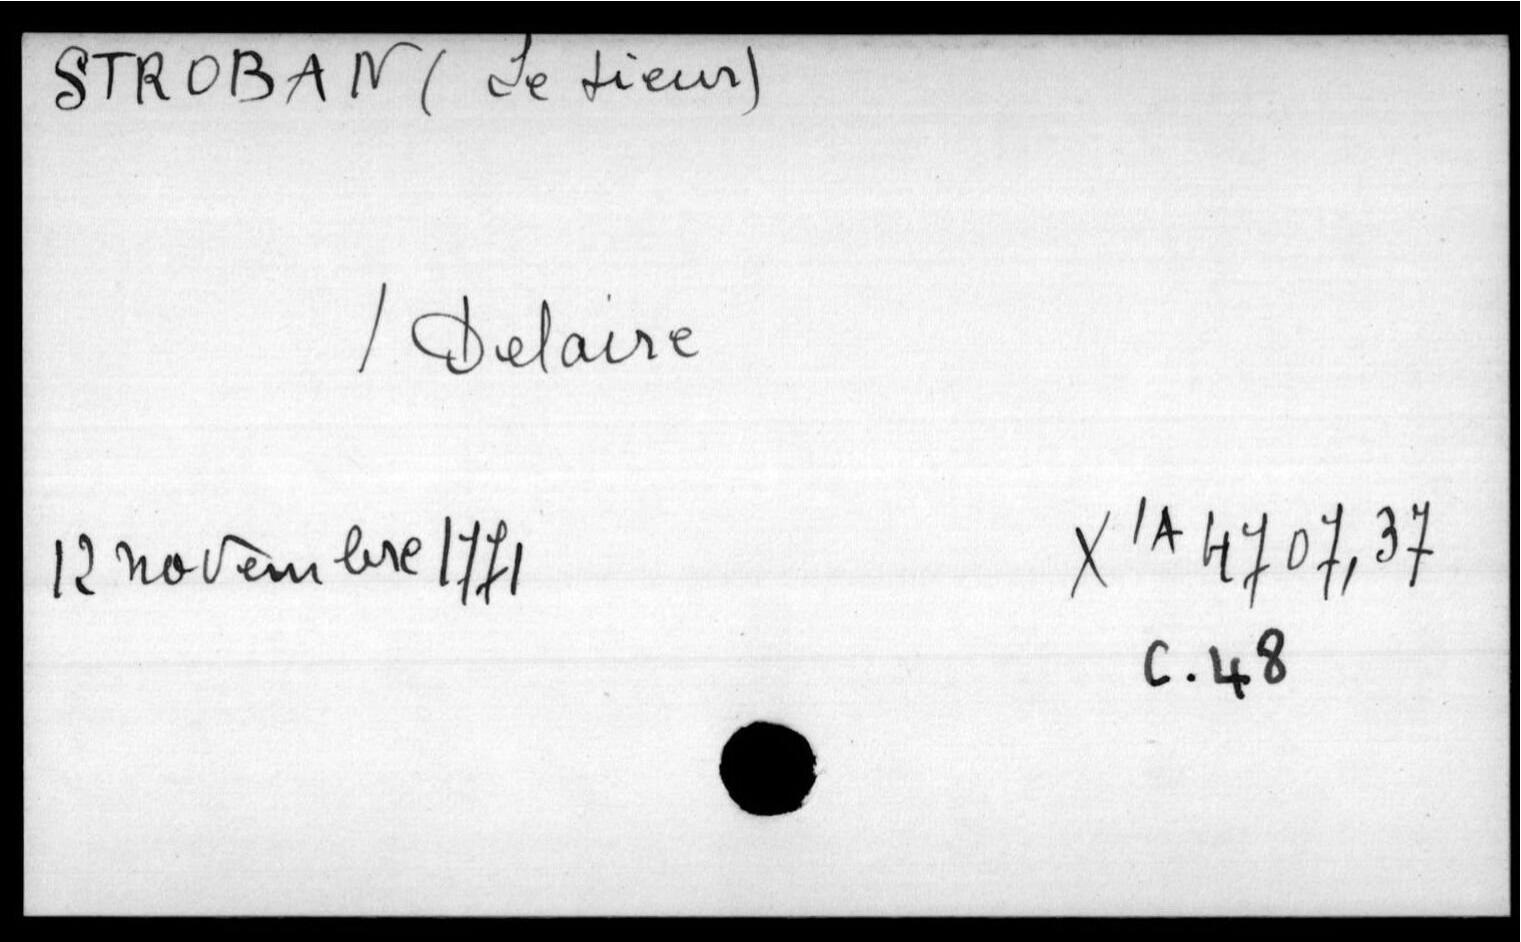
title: STROBAN (Le sieur)
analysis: Contre Delaire
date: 12 novembre 1771
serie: X1A
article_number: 4707
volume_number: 37 Conseil 48
